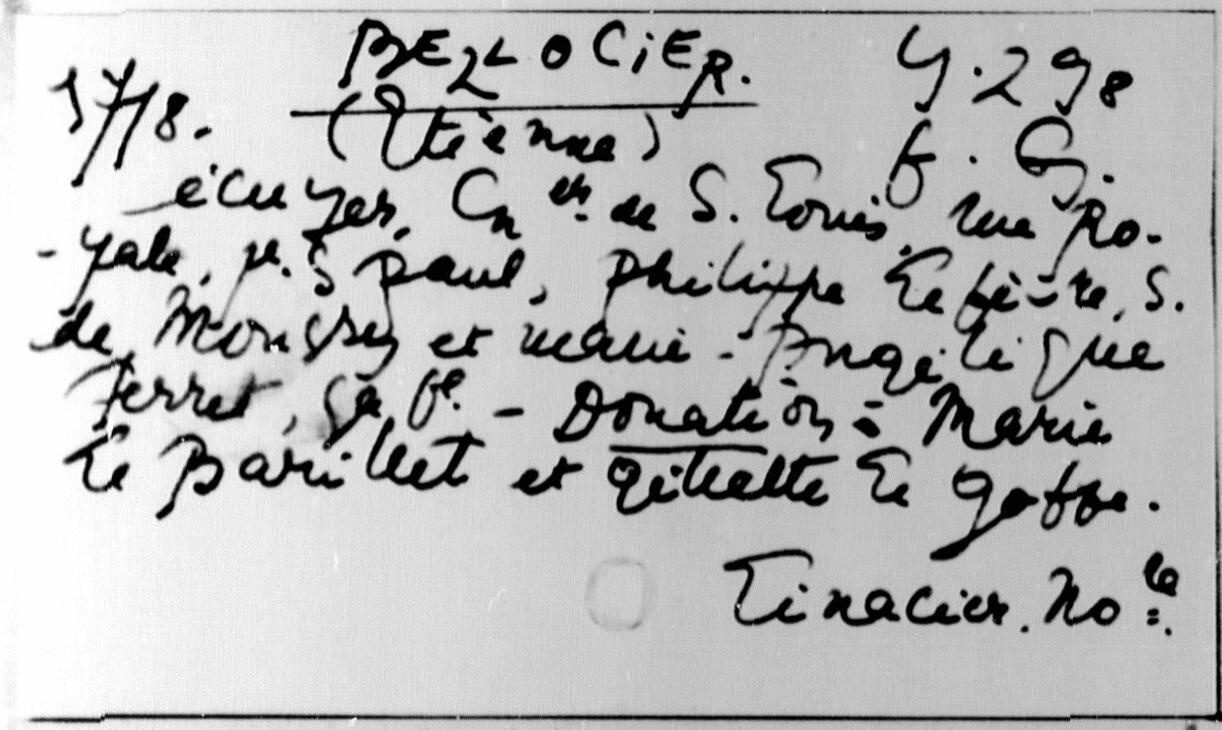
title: BELLOCIER (Etienne)
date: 1718
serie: Y
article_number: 298
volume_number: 61
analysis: Écuyer, chevalier de Saint-Louis, rue Royale, paroisse Saint-Paul. Philippe Lefèvre, seigneur de Monsry et Marie-Angélique Ferret, sa femme. Donation à Marie Le Barillet et Gillette Le Goffe. Linacier, notaire.
